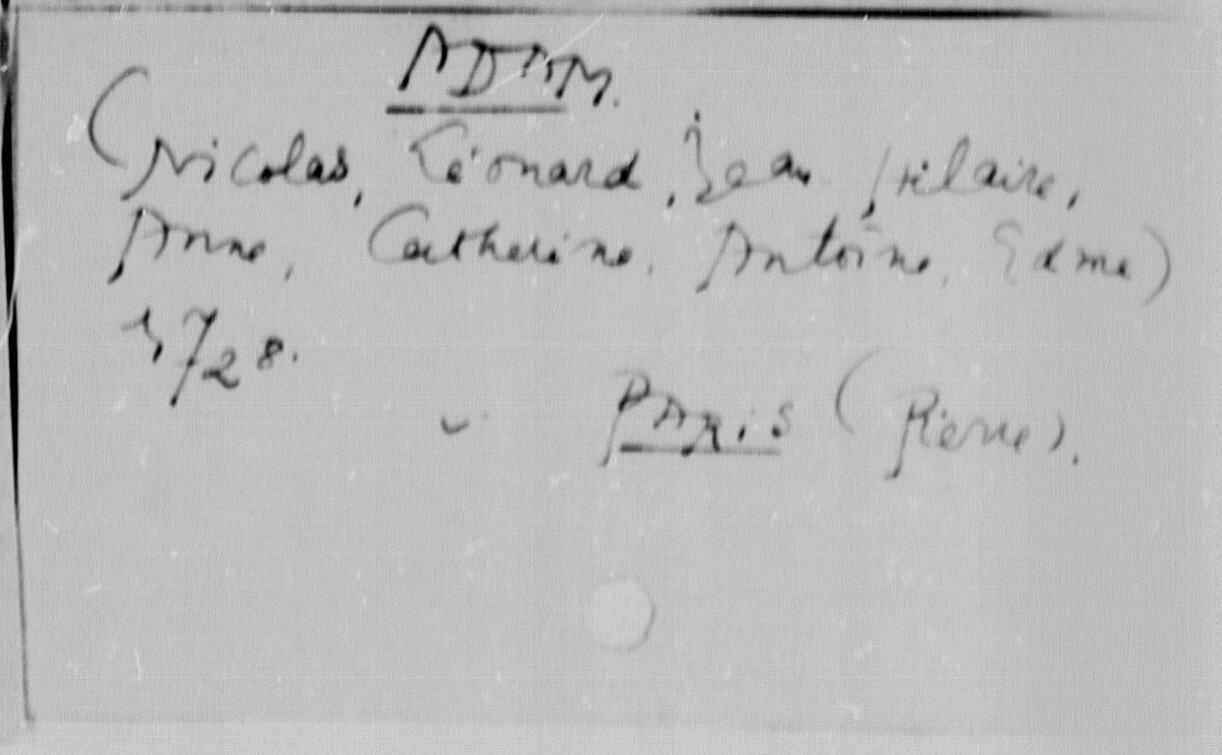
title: ADAM (Nicolas, Léonard, Jean, Hilaire, Anne, Catherine, Antoine, Edme)
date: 1728
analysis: Voir PARIS (Pierre)
